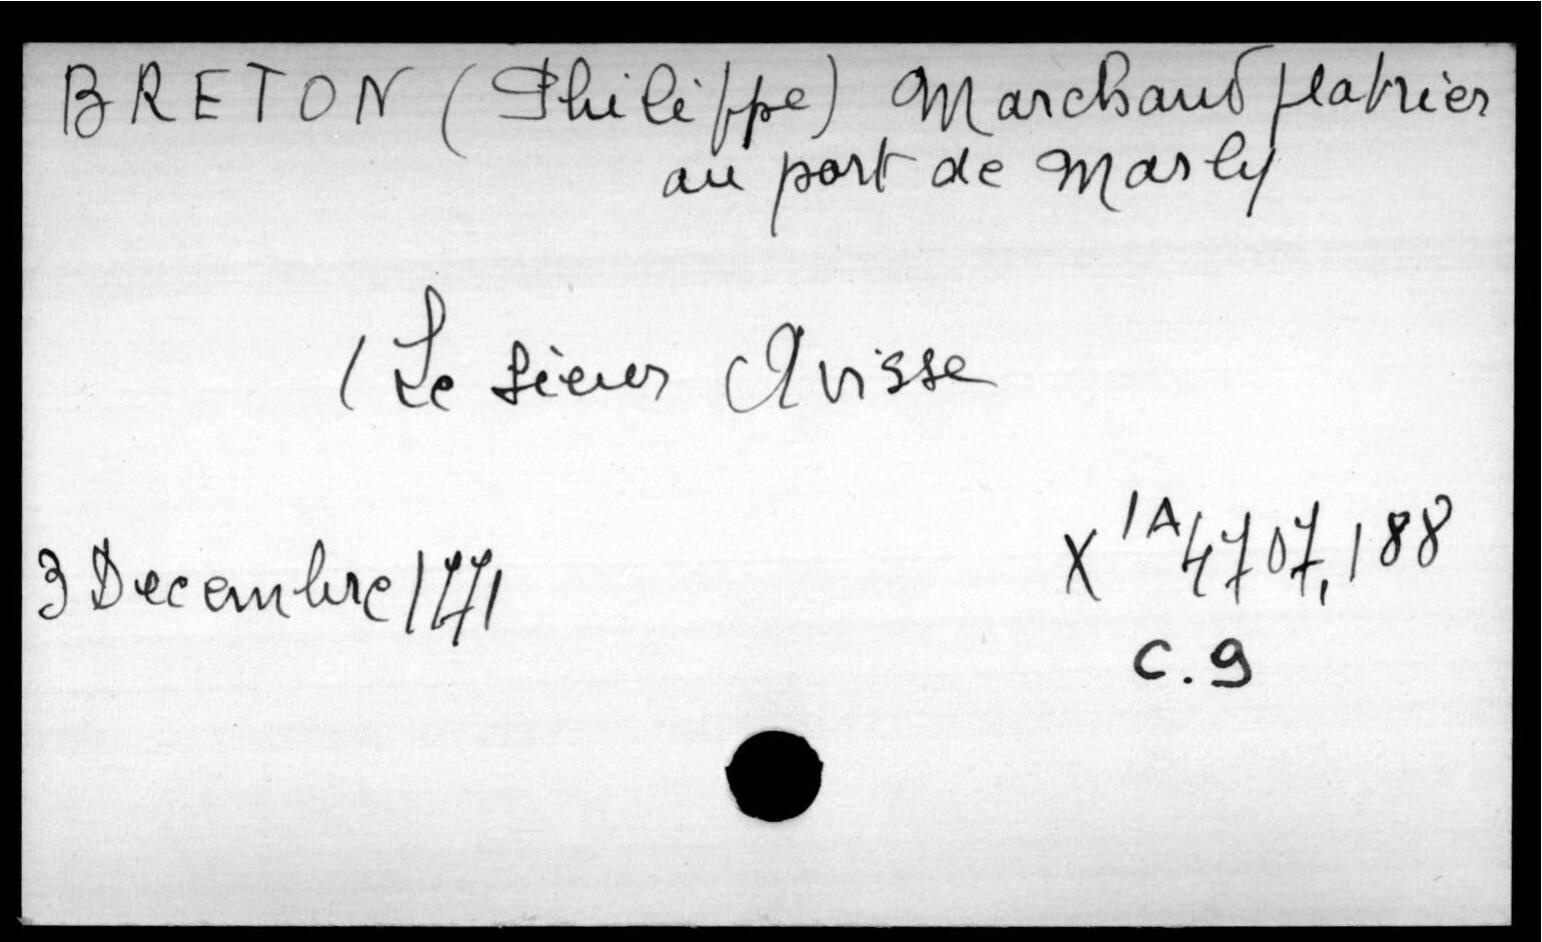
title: BRETON (Philippe) Marchand plâtrier au port de Marly
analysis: Contre Le sieur Avisse
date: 3 décembre 1771
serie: X1A
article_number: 4707
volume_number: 188 Conseil 9
